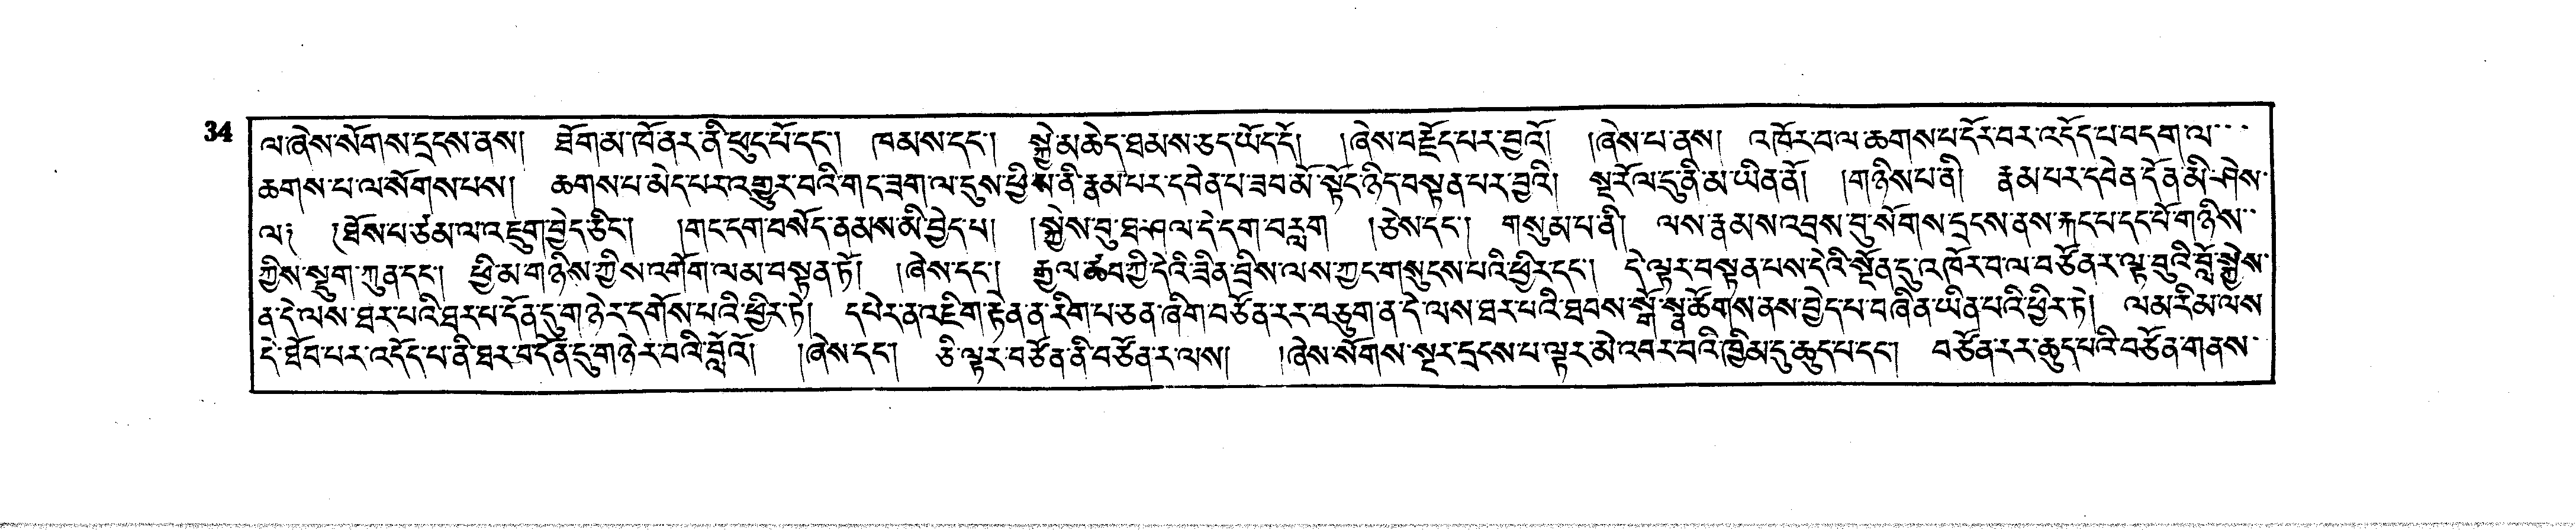ལ་ཞེས་སོགས་དྲངས་ནས། ཐོག་མ་ཁོ་ནར་ནི་ཕུང་པོ་དང་། ཁམས་དང་། སྐྱེ་མཆེད་ཐམས་ཅད་ཡོད་དོ། །ཞེས་བརྗོད་པར་བྱའོ། །ཞེས་པ་ནས། འཁོར་བ་ལ་ཆགས་པ་དོར་བར་འདོད་པ་བདག་ལ་
ཆགས་པ་ལ་སོགས་པས། ཆགས་པ་མེད་པར་འགྱུར་བའི་གང་ཟག་ལ་དུས་ཕྱིས་ནི་རྣམ་པར་དབེན་པ་ཟབ་མོ་སྟོང་ཉིད་བསྟན་པར་བྱའི། སྔ་རོལ་དུ་ནི་མ་ཡིན་ནོ། །གཉིས་པ་ནི། རྣམ་པར་དབེན་དོན་མི་ཤེས་
ལ༑ ༑ཐོས་པ་ཙམ་ལ་འཇུག་བྱེད་ཅིང་། །གང་དག་བསོད་ནམས་མི་བྱེད་པ། །སྐྱེས་བུ་ཐ་ཤལ་དེ་དག་བརླག །ཅེས་དང་། གསུམ་པ་ནི། ལས་རྣམས་འབྲས་བུ་སོགས་དྲངས་ནས་རྐང་པ་དང་པོ་གཉིས་
ཀྱིས་སྡུག་ཀུན་དང་། ཕྱི་མ་གཉིས་ཀྱིས་འགོག་ལམ་བསྟན་ཏོ། །ཞེས་དང་། རྒྱལ་ཚབ་ཀྱི་དེའི་ཟིན་བྲིས་ལས་ཀྱང་གསུངས་པའི་ཕྱིར་དང་། དེ་ལྟར་བསྟན་པས་དེའི་སྔོན་དུ་འཁོར་བ་ལ་བཙོན་ར་ལྟ་བུའི་བློ་སྐྱེས་
ན་དེ་ལས་ཐར་པའི་ཐར་པ་དོན་དུ་གཉེར་དགོས་པའི་ཕྱིར་ཏེ། དཔེར་ན་འཇིག་རྟེན་ན་རིག་པ་ཅན་ཞིག་བཙོན་རར་བཅུག་ན་དེ་ལས་ཐར་པའི་ཐབས་སྒོ་སྣ་ཚོགས་ནས་བྱེད་པ་བཞིན་ཡིན་པའི་ཕྱིར་ཏེ། ལམ་རིམ་ལས་
དེ་ཐོབ་པར་འདོད་པ་ནི་ཐར་བ་དོན་དུ་གཉེར་བའི་བློའོ། །ཞེས་དང་། ཅི་ལྟར་བཙོན་ནི་བཙོན་ར་ལས། །ཞེས་སོགས་སྔར་དྲངས་པ་ལྟར་མེ་འབར་བའི་ཁྱིམ་དུ་ཆུད་པ་དང་། བཙོན་རར་ཆུད་པའི་བཙོན་གནས་